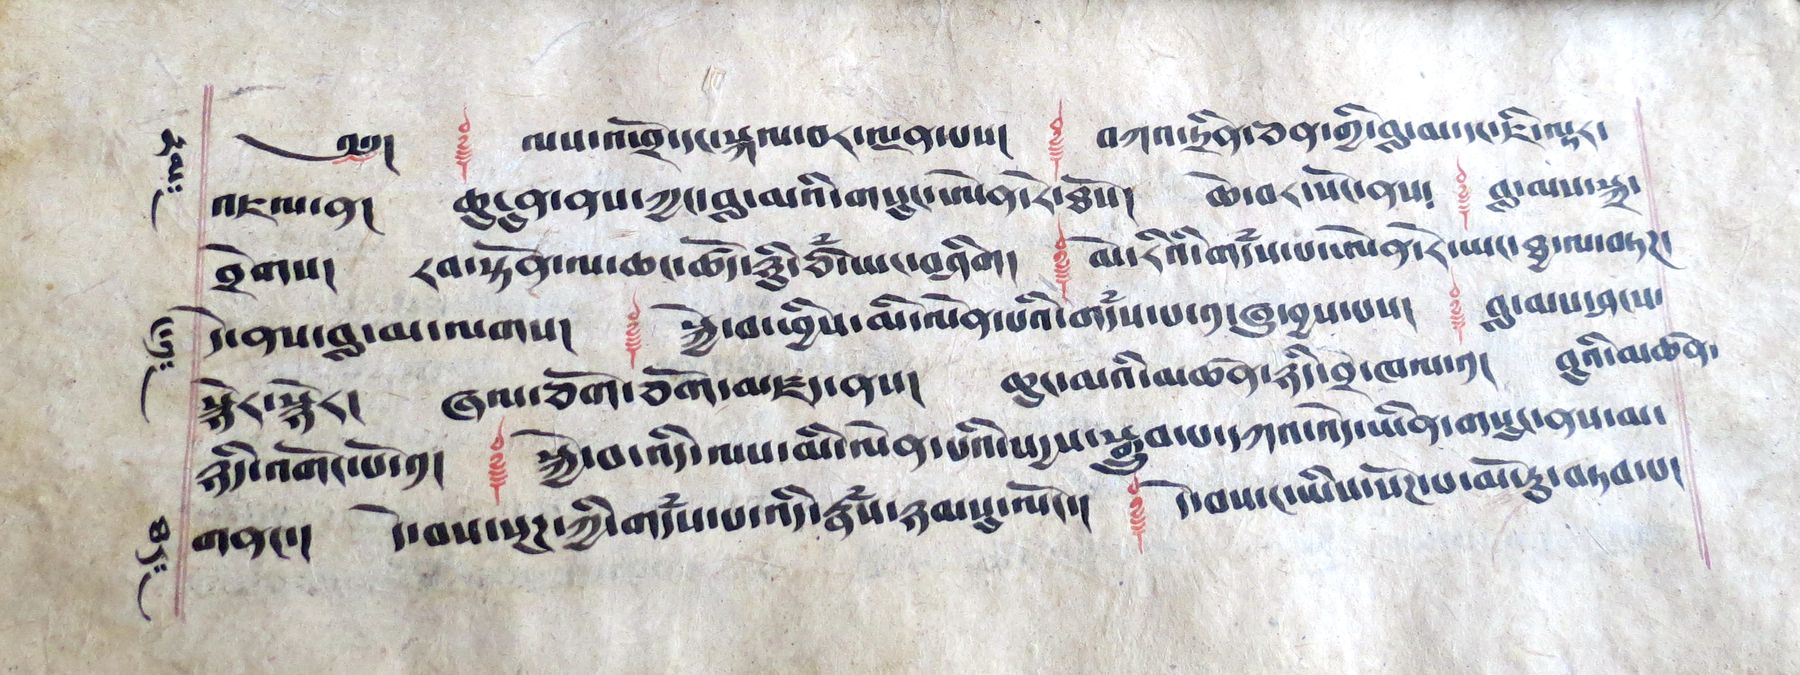ལས་འཕྲོ་དང་སྐལ་པར་ལྡན་པས། བཀའ་དྲིན་ཅན་གྱི་བླ་མ་དང་ཇི་ལྟར་
མཇལ་ན། ཆུང་ངུན་ནས་ཀྱང་བླ་མའི་གསུང་ཨེན་རེ་ཐོས་ཆེ་བར་སོང་ནས། བླ་མས་སྐྲ་
བྲེགས། རབ་སྟོན་ལ་ཆང་ཚོད་ཉི་ཤུ་ཙམ་ཡང་བཤིག མེ་རིའི་གདམ་པ་ཨེན་རེ་ཡང་ཐུགས་ལ་བཏགས། 
དེ་ནས་བླ་མ་ལགས་ངས་སྐྱེ་བ་ཕྱིས་མི་ལེན་པའི་གདམས་པ་ཞིག་ཞུ་བྱས་པས། བླ་མ་ཤངས་
བསྙེར་བསྙེར་ཞལ་ཅོག་ཅོག་མཛད་ནས། ཆུང་མའི་མཚན་ཉིད་བྲ་ཁལ་གཅིག བུ་ཚའི་མཚན་
ཉིད་འགོང་པོ་གཅིག སྐྱེ་བ་འདི་ལས་མི་ལེན་པའི་སངས་རྒྱས་བསྒྲུབ་དཀའ་འདི་ཡིན་གསུངས་ནས་མ་
གནང་། དེ་བས་སྔགས་ཀྱིས་གདམས་པ་དེ་རྣམས་ཉམས་སུ་ལོངས། དེ་བས་ང་ཡིས་སོག་པ་མོ་རུ་བཏབ་པ།